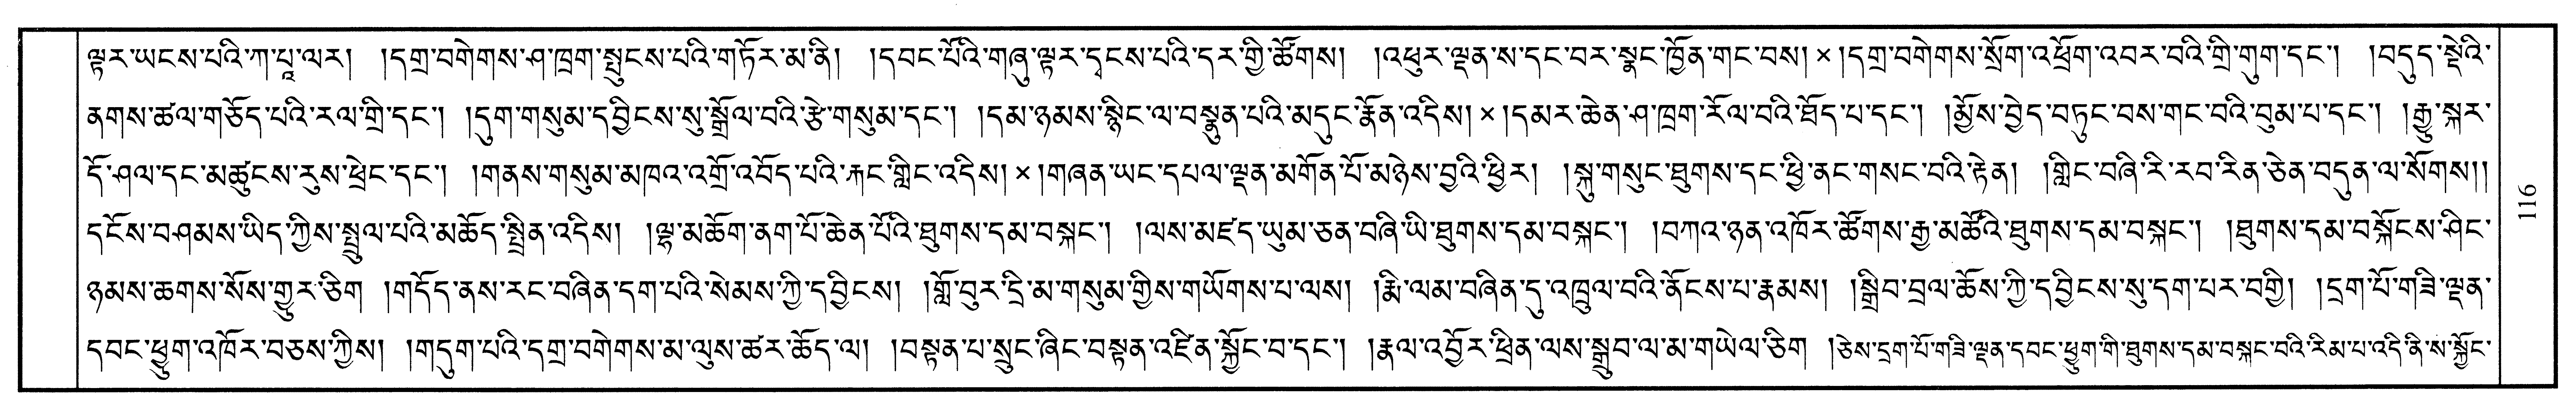ལྟར་ཡངས་པའི་ཀ་པཱ་ལར། །དགྲ་བགེགས་ཤ་ཁྲག་སྤུངས་པའི་གཏོར་མ་ནི། །དབང་པོའི་གཞུ་ལྟར་དྭངས་པའི་དར་གྱི་ཚོགས། །འཕུར་ལྡན་ས་དང་བར་སྣང་ཁྱོན་གང་བས། ྾་།དགྲ་བགེགས་སྲོག་འཕྲོག་འབར་བའི་གྲི་གུག་དང་། །བདུད་སྡེའི་
ནགས་ཚལ་གཅོད་པའི་རལ་གྲི་དང་། །དུག་གསུམ་དབྱིངས་སུ་སྒྲོལ་བའི་རྩེ་གསུམ་དང་། །དམ་ཉམས་སྙིང་ལ་བསྣུན་པའི་མདུང་རྣོན་འདིས། ྾་།དམར་ཆེན་ཤ་ཁྲག་རོལ་བའི་ཐོད་པ་དང་། །མྱོས་བྱེད་བཏུང་བས་གང་བའི་བུམ་པ་དང་། །རྒྱུ་སྐར་
དོ་ཤལ་དང་མཚུངས་རུས་ཕྲེང་དང་། །གནས་གསུམ་མཁའ་འགྲོ་འབོད་པའི་རྐང་གླིང་འདིས། ྾་།གཞན་ཡང་དཔལ་ལྡན་མགོན་པོ་མཉེས་བྱའི་ཕྱིར། །སྐུ་གསུང་ཐུགས་དང་ཕྱི་ནང་གསང་བའི་རྟེན། །གླིང་བཞི་རི་རབ་རིན་ཅེན་བདུན་ལ་སོགས།།
དངོས་བཤམས་ཡིད་ཀྱིས་སྤྲུལ་པའི་མཆོད་སྤྲིན་འདིས། །ལྷ་མཆོག་ནག་པོ་ཆེན་པོའི་ཐུགས་དམ་བསྐང་། །ལས་མཛད་ཡུམ་ཅན་བཞི་ཡི་ཐུགས་དམ་བསྐང་། །བཀའ་ཉན་འཁོར་ཚོགས་རྒྱ་མཚོའི་ཐུགས་དམ་བསྐང་། །ཐུགས་དམ་བསྐོངས་ཤིང་
ཉམས་ཆགས་སོས་གྱུར་ཅིག །གདོད་ནས་རང་བཞིན་དག་པའི་སེམས་ཀྱི་དབྱིངས། །གློ་བུར་དྲི་མ་གསུམ་གྱིས་གཡོགས་པ་ལས། །རྨི་ལམ་བཞིན་དུ་འཁྲུལ་བའི་ནོངས་པ་རྣམས། །སྒྲིབ་བྲལ་ཆོས་ཀྱི་དབྱིངས་སུ་དག་པར་བགྱི། །དྲག་པོ་གཟི་ལྡན་
དབང་ཕྱུག་འཁོར་བཅས་ཀྱིས། །གདུག་པའི་དགྲ་བགེགས་མ་ལུས་ཚར་ཆོད་ལ། །བསྟན་པ་སྲུང་ཞིང་བསྟན་འཛིན་སྐྱོང་བ་དང་། །རྣལ་འབྱོར་ཕྲིན་ལས་སྒྲུབ་ལ་མ་གཡེལ་ཅིག །ཅེས་དྲག་པོ་གཟི་ལྡན་དབང་ཕྱུག་གི་ཐུགས་དམ་བསྐང་བའི་རིམ་པ་འདི་ནི་ས་སྐྱོང་